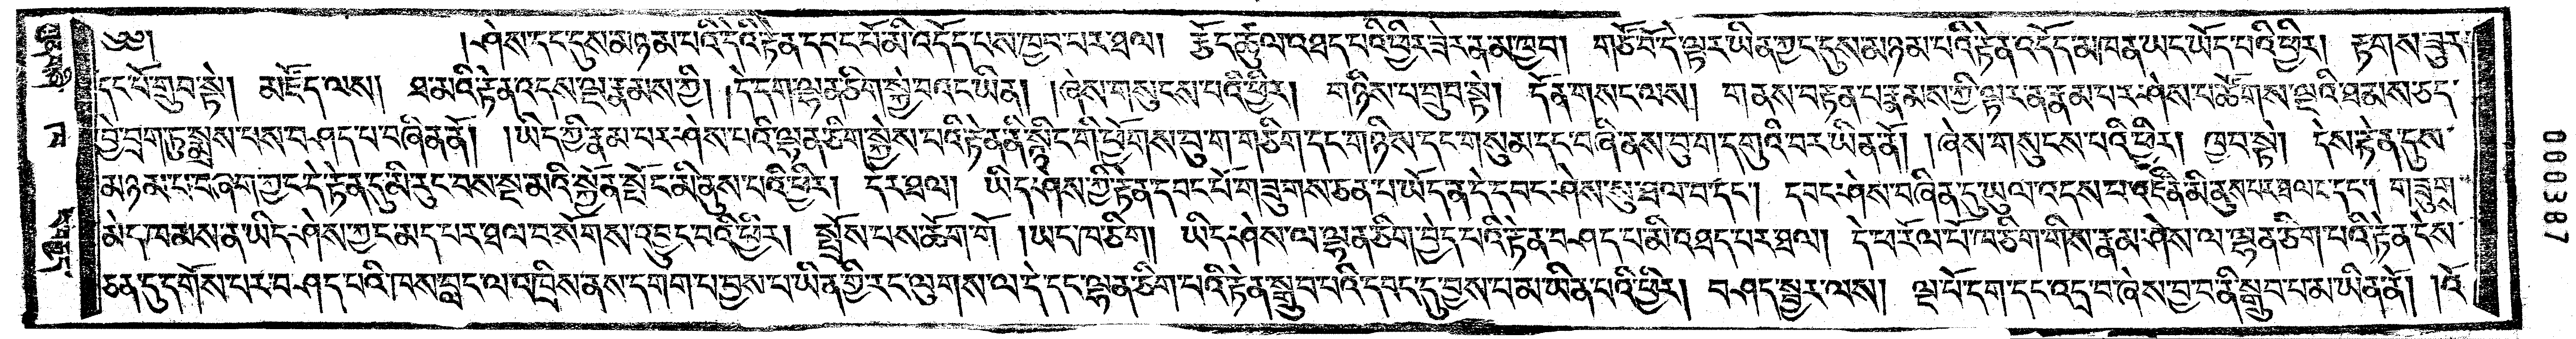༄༅། །ཤེས་དང་དུས་མཉམ་བའི་དེའི་རྟེན་དབང་པོ་མི་འདོད་པས་ཁྱབ་པར་ཐལ། རྩོད་ཚུལ་འཐད་བའི་ཕྱིར་ཟེར་ནམ་ཁྱབ། གཙོ་བོ་དེ་ལྟར་ཡིན་ཀྱང་དུས་མཉམ་པའི་རྟེན་འདོད་མཁན་ཡང་ཡོད་པའི་ཕྱིར། རྟགས་ཟུར་
དང་པོ་གྲུབ་སྟེ། མཛོད་ལས། ཐ་མའི་རྟེན་འདས་ལྔ་རྣམས་ཀྱི། །དེ་དག་ལྷན་ཅིག་སྐྱེ་བའང་ཡིན། །ཞེས་གསུངས་པའི་ཕྱིར། གཉིས་བ་གྲུབ་སྟེ། དོན་གསང་ལས། གནས་བརྟན་པ་རྣམས་ཀྱི་ལྟར་ན་རྣམ་པར་ཤེས་པ་ཚོགས་ལྔའི་ཐམས་ཅད་
བྱེ་བྲག་ཏུ་སྨྲས་པས་བཤད་པ་བཞིན་ནོ། །ཡིད་ཀྱི་རྣམ་པར་ཤེས་པའི་ལྷན་ཅིག་སྐྱེས་པའི་རྟེན་ནི་སྙིང་གི་ཕྱོགས་བུ་ག་གཅིག་དང་གཉིས་དང་གསུམ་དང་བཞི་ནས་པུག་དགུའི་བར་ཡིན་ནོ། །ཞེས་གསུངས་པའི་ཕྱིར། ཁྱབ་སྟེ། དེས་རྟེན་དུས་
མཉམ་པ་བཞག་ཀྱང་དེ་རྟེན་དུ་མི་རུང་བས་སྔ་མའི་སྐྱོན་སྤོང་མི་ནུས་པའི་ཕྱིར། དེར་ཐལ། ཡིད་ཤེས་ཀྱི་རྟེན་དབང་པོ་གཟུགས་ཅན་པ་ཡོད་ན་དེ་དབང་ཤེས་སུ་ཐལ་བ་དང་། དབང་ཤེས་བཞིན་དུ་ཡུལ་འདས་པ་འཛིན་མི་ནུས་པར་ཐལ་བ་དང་། གཟུགས་
མེད། ཐམས་ན་ཡིད་ཤེས་ཀྱང་མད་པར་ཐལ་བ་སོགས་འབྱུང་བའི་ཕྱིར། སྤྲོས་པས་ཆོག་གོ །ཡང་ཁ་ཅིག། ཡིད་ཤེས་ལ་ལྷན་ཅིག་བྱེད་པའི་རྟེན་བཤད་པ་མི་འཐད་པར་ཐལ། དེ་ཕ་རོལ་པོ་ལ་ཅིག་གིས་རྣམ་ཤེས་ལ་ལྷན་ཅིག་པའི་རྟེན་ངེས་
ཅན་དུ་དགོས་པར་བཤད་བའི་ཁས་བླང་ལ་འཁྲིས་ནས་དགག་པ་བྱས་པ་ཡིན་གྱི་རང་ལུགས་ལ་དེ་དང་ལྷན་ཅིག་པའི་རྟེན་སྒྲུབ་པའི་དབང་དུ་བྱས་པ་མ་ཡིན་པའི་ཕྱིར། བཤད་སྦྱར་ལས། ལྔ་པོ་དག་དང་འདྲ་བ་ཞེས་བྱ་བ་ནི་སྒྲུབ་པ་མ་ཡིན་ནོ། །འོ་